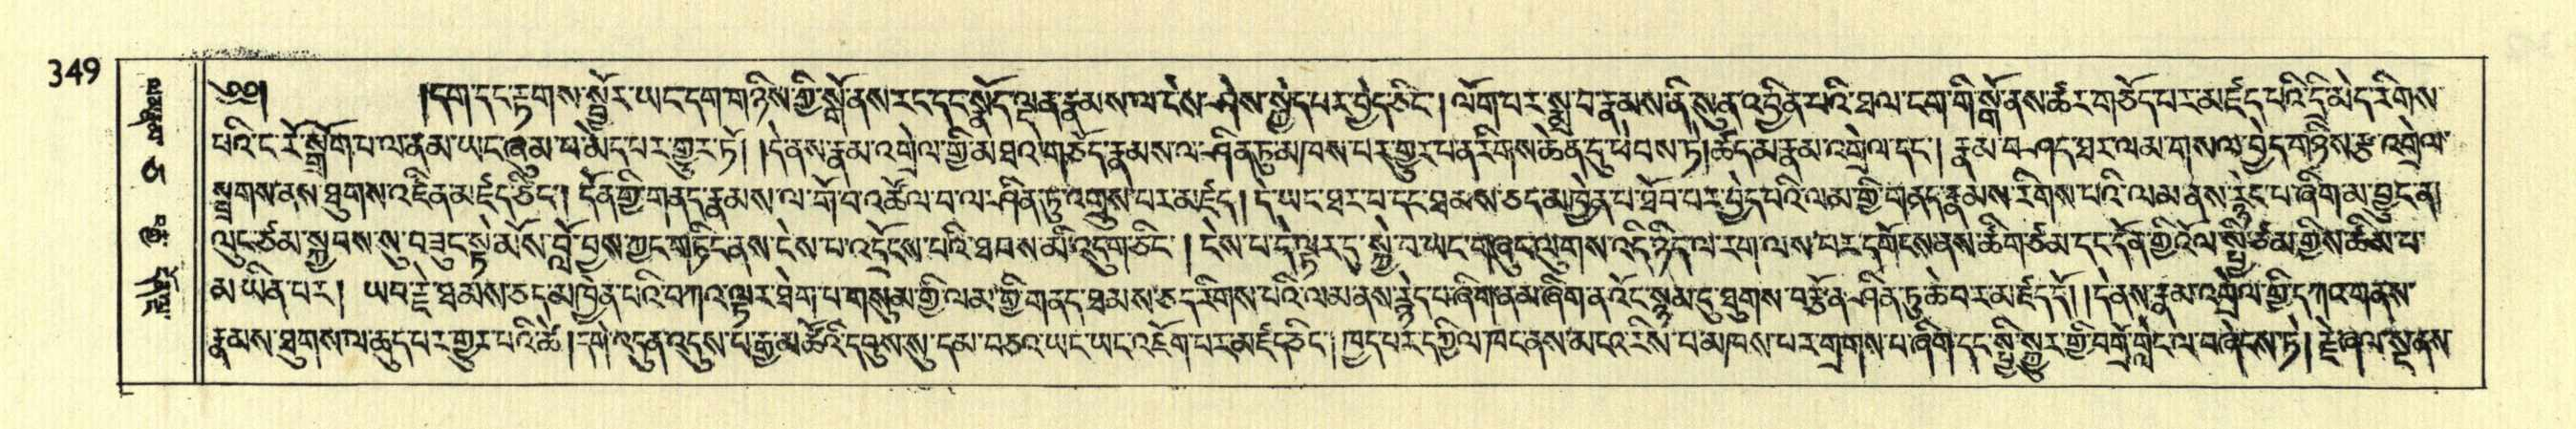༄༅། །དག་དང་རྟགས་སྦྱོར་ཡང་དག་གཉིས་ཀྱི་སྒོ་ནས་རང་དང་སྣོད་ལྡན་རྣམས་ལ་ངེས་ཤེས་སྐྱེད་པར་བྱེད་ཅིང་། ལོག་པར་སྨྲ་བ་རྣམས་ནི་སུན་འབྱིན་པའི་ཐལ་ངག་གི་སྒོ་ནས་ཚར་གཅོད་པར་མཛད་པའི་དྲི་མེད་རིགས་
པའི་ང་རོ་སྒྲོག་པ་ལ་ནམ་ཡང་ཞུམ་པ་མེད་པར་གྱུར་ཏོ། །དེ་ནས་རྣམ་འབྲེལ་གྱི་མཐའ་གཅོད་རྣམས་ལ་ཤིན་ཏུ་མཁས་པར་གྱུར་པ་ན་རིགས་ཆེན་དུ་ཕེབས་ཏེ། ཚད་མ་རྣམ་འགྲེལ་དང་། ནམ་བཤད་ཐར་ལམ་གསལ་བྱེད་གཉིས་རྩ་འགྲེལ་
སྦྲགས་ནས་ཐུགས་འཛིན་མཛད་ཅིང་། དོན་གྱི་གནད་རྣམས་ལ་གོ་བ་འཚོལ་བ་ལ་ཤིན་ཏུ་འགྲུས་པར་མཛད། དེ་ཡང་ཐར་པ་དང་ཐམས་ཅད་མཁྱེན་པ་ཐོབ་པར་བྱེད་པའི་ལམ་གྱི་གནད་རྣམས་རིགས་པའི་ལམ་ནས་རྙེད་པ་ཞིག་མ་བྱུང་ན།
ལུང་ཙམ་སྐྱབས་སུ་བཟུང་སྟེ་མོས་བློ་བྱས་ཀྱང་གཏིང་ནས་ངེས་པ་འདྲོངས་པའི་ཐབས་མི་འཇུག་ཅིང་། ངེས་པ་དེ་ལྟར་དུ་སྐྱེ་བ་ཡང་གཞུང་ལུགས་འདི་ཉིད་ལ་རག་ལས་པར་དགོངས་ནས་ཚིག་ཙམ་དང་དོན་གྱི་འོ་ལ་སྤྱི་ཙམ་གྱིས་ཚིམ་པ་
མ་ཡིན་པར། ཡབ་རྗེ་ཐམས་ཅད་མཁྱེན་པའི་བཀའ་ལྟར་ཐེག་པ་གསུམ་གྱི་ལམ་གྱི་གནད་ཐམས་ཅད་རིགས་པའི་ལམ་ནས་རྙེད་པ་ཞིག་ནམ་ཞིག་ན་འོང་སྙམ་དུ་ཐུགས་བརྩོན་ཤིན་ཏུ་ཆེ་བར་མཛད་དོ། །དེ་ནས་རྣམ་འགྲེལ་གྱི་དཀའ་གནས་
རྣམས་ཐུགས་ལ་ཆུད་པར་གྱུར་པའི་ཚེ། དགེ་འདུན་འདུས་པ་རྒྱ་མཚོའི་དབུས་སུ་དམ་བཅའ་ཡང་ཡང་འཇོག་པར་མཛད་ཅིང་། ཁྱད་པར་དཀྱིལ་ཁང་ནས་མངའ་རིས་པ་མཁས་པར་གྲགས་པ་ཞིག་དང་སྤྱི་སྐྱུར་གྱི་བགྲོ་གླེང་ལ་བཞེངས་ཏེ། རྗེ་ཞལ་སྔ་ནས་